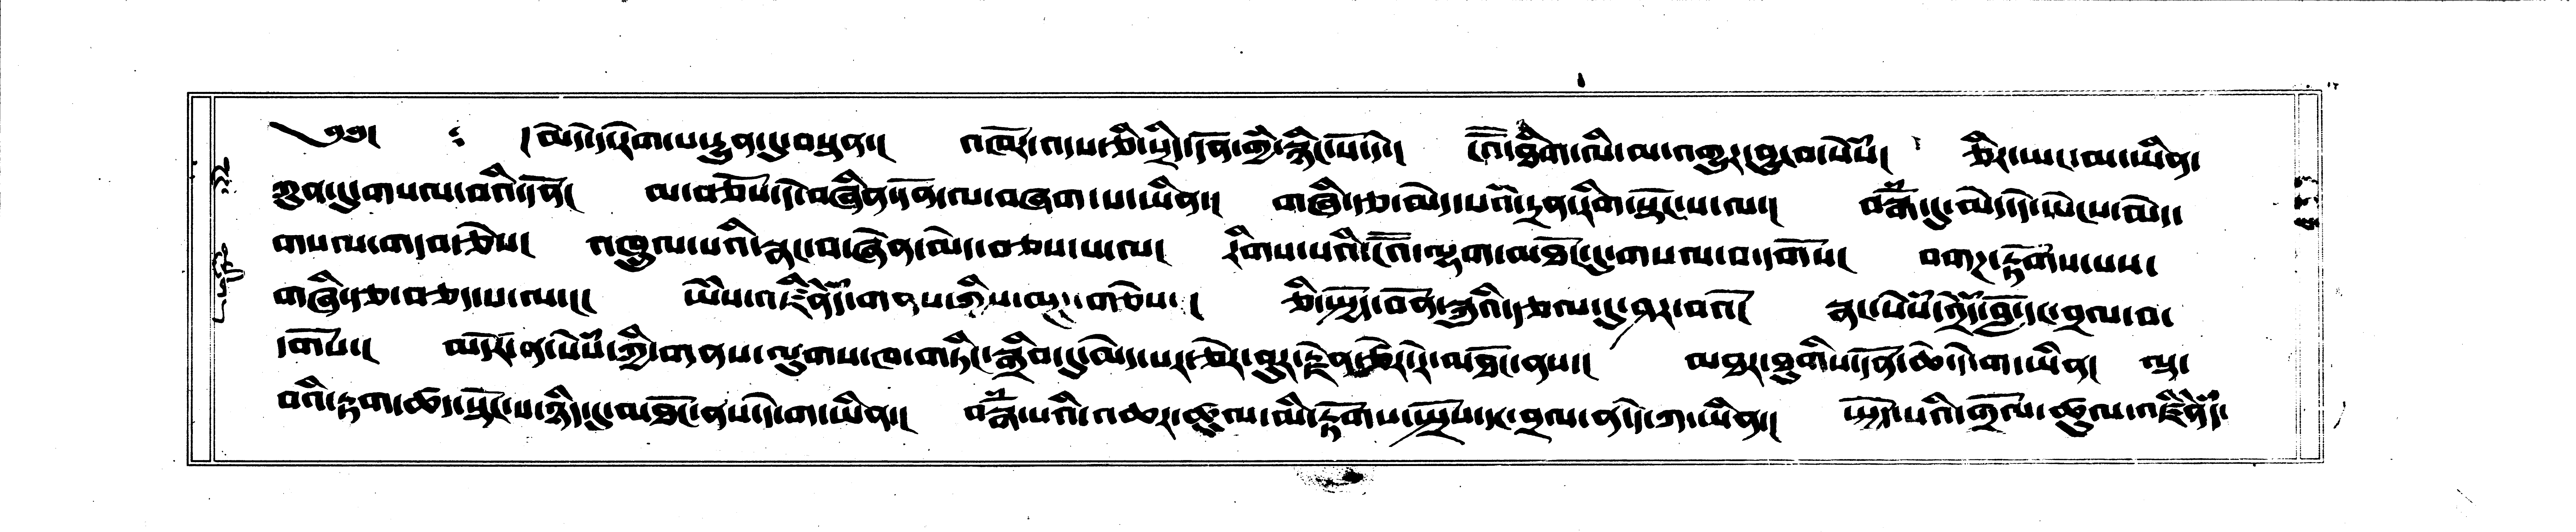མེད་དེ་རིག་པ་རྒྱུན་དུ་བརྟེན། འཁོར་འདས་ཅི་སྲིད་བོན་གྱིས་སྙིང་པོ་དེ། ངོའོ་ཐིག་ལེ་མི་འགྱུར་བྱང་ཆུབ་སེམས། ཅི་ཡང་མ་ཡིན་
ཀུན་དུ་གསལ་བའི་དོན། མ་བཅོས་དེ་ནི་དོན་ལ་བཞག་པ་ཡིན། གཞི་རྩ་མེད་པའི་དྲན་རིག་སྟོང་པ་ལ། སྒོམ་དུ་མེད་དེ་ཡེངས་མེད་
གསལ་བཏབ་གཅེས། འཁྲུལ་པའི་སྣང་བ་ཞེན་མེད་བཅད་པ་ལ། རིག་པའི་ངོའོ་ལྷག་མཐོང་དུ་གྲོལ་བ་དགོས། བག་ཆགས་རྟོག་པའི་
གཞི་རྩ་བཅད་པ་ལ། ཡེ་ཤེས་འཛིན་མེད་གནད་ཀྱིས་མེན་ངག་གཅེས། ཅི་སྤྱོད་བོན་སྐུའི་རྩལ་དུ་ཤར་པ་བ་ལ། སྣང་སེམས་དབྱེར་མེད་བློ་དང་བྲལ་བ་
དགོས། མདོར་ན་སེམས་ཀྱིས་གནས་ལུགས་མཁའ་སྟེང་སྒྲིབ་པ་མེད་པ་ལ་གཅེར་རྗེན་ཅེ་རེ་མཐོང་ན། མཐར་ཐུག་གནད་ཀྱིས་དོན་དེ་ཀ་ཡིན། ལྟ་
བའི་ལྟ་ཚད་སྟོང་པ་ཉིད་དུ་མཐོང་ན་དོན་དེ་ཀ་ཡིན། སྒོམ་པའི་འཆར་ཚུལ་མི་རྟོག་སྤྲོས་དང་བྲལ་ན་དེ་ཀ་ཡིན། སྤྱོད་པའི་གྲོལ་ཚུལ་འཛིན་མེད་